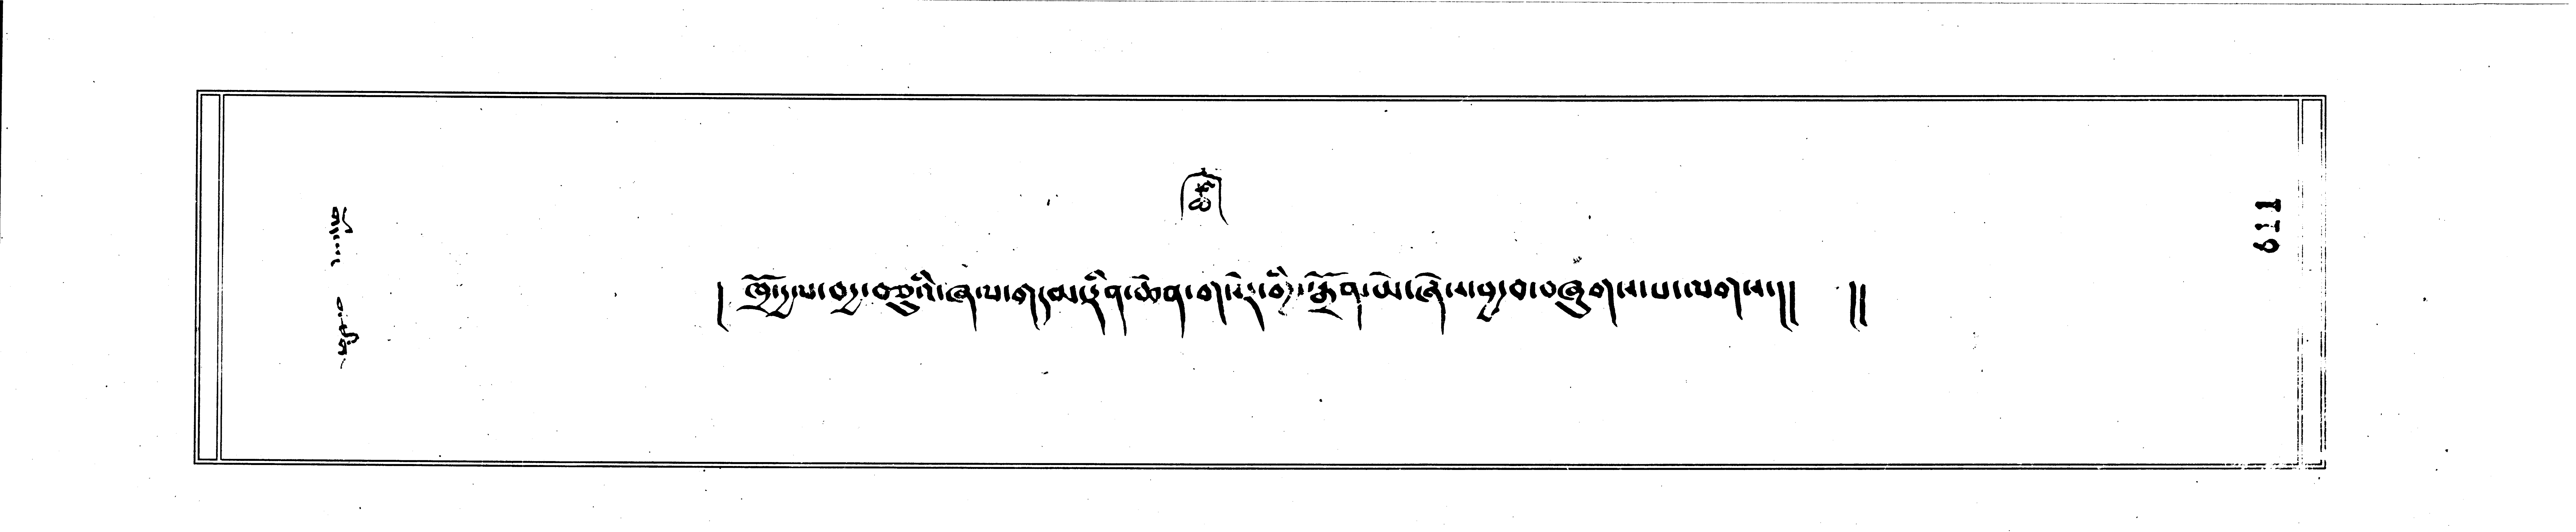༼ཚ༽མཁའ་འགྲོ་བརྒྱད་བཅུའི་ཞལ་གདམས་རིན་ཆེན་གསེར་གྱིས་སྒྲོན་མ་བཞུགས་སོ།